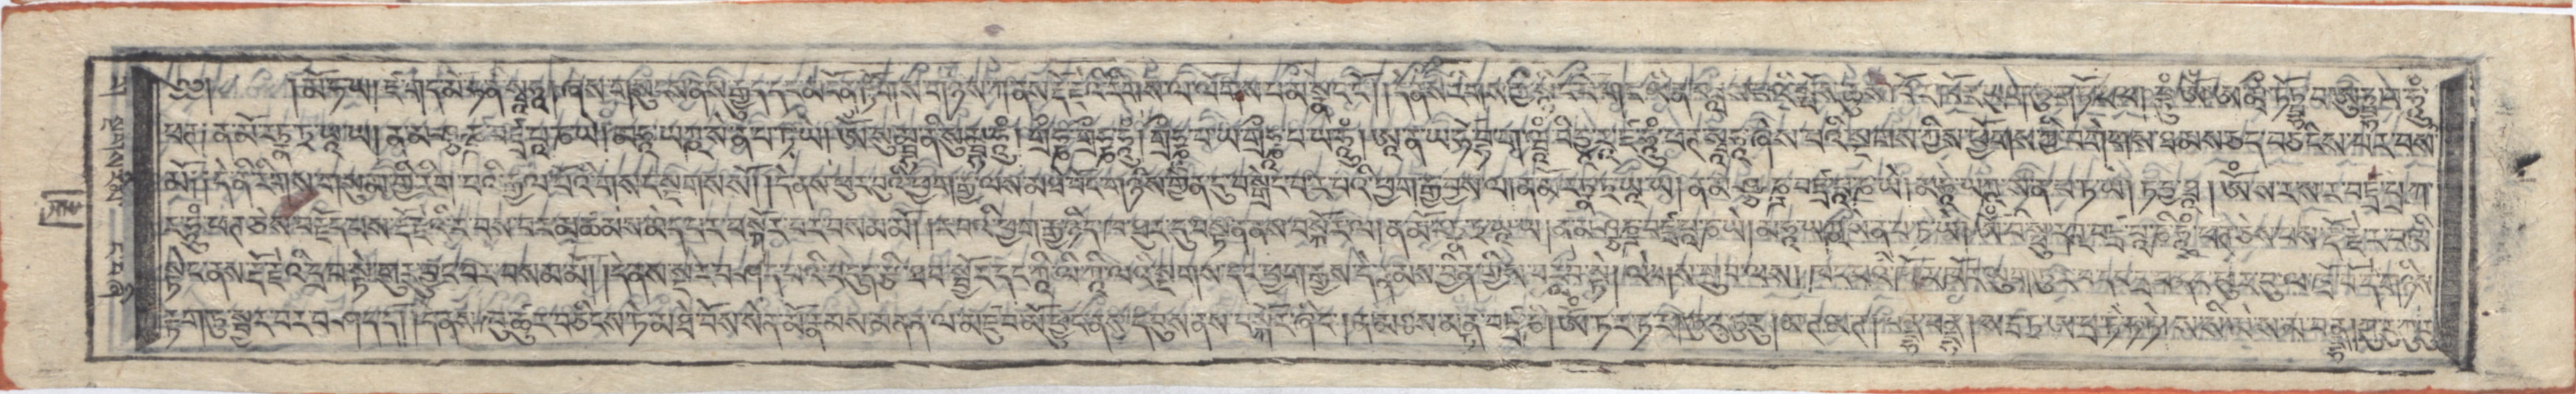༄༅། །མོ་ཧ་ཡ། ཛ་གད་མོ་ཧ་ནི་སྭཱཧཱ། ཞེས་གསུངས་ནས་རྒྱུད་དང་མངོན་རྟོགས་གཉིས་ཀ་ནས་རྡོ་རྗེའི་རིགས་ལ་ལོགས་པ་མི་སྣང་ངོ། །དེ་ནས་རིགས་ཀྱི་སྙིང་པོ་གང་ཡིན་བཟླས་པའི་སྤོས་ཆུས་ཁོ་ར་ཁོར་ཡུག་ཏུ་གཏོར་ལ། བྷྲུཾ་ཨོཾ་ཨ་མྲྀ་ཏོཏྦྷ་བ་ཨུཏྦྷ་བ་ཧཱུཾ་
ཕཊ༑ ན་མོ་རྟྣ་ཏྲ་ཡཱ་ཡ། ན་མ་ཥྩ་ཎྜ་བཛྲ་པཱ་ཎ་ཡེ། མཧཱ་ཡཀྵ་སེ་ན་པ་ཏ་ཡེ། ཨོཾ་སུ་མྦྷ་ནི་སུ་མྦྷ་ཧཱུཾ། གྲཾཧྞ་ནི་སུམྦྷ་ཧཱུཾ།གྲྀཧྞ་ཧཱུཾ། གྲྀཧྞ་པ་ཡ་གྲྀཧྞཱ་པ་ཡ་ཧཱུཾ། ཨཱ་ན་ཡ་ཧོ་བྷ་ག་ཝཱཾ་བིདྱཱ་རཱ་ཛ་ཧཱུཾ་ཕཊ་སྭཱ་ཧའ་ཞེས་པའི་སྔགས་ཀྱིས་ཕྱོགས་ཀྱི་བགེགས་ཐམས་ཅད་བཅིངས་པར་བས་
མོ༑ ༑དེ་ནི་རིགས་གསུམ་གྱི་རིག་པའི་རྒྱལ་པོའི་གསང་སྔགས་སོ། །དེ་ནས་ཕུར་བུའི་ཕྱག་རྒྱ་ལས་མཐེ་བོང་གཉིས་གྱེན་དུ་བསྒྲེང་བར་པའི་ཕྱག་རྒྱ་བྱས་ལ། ན་མོ་རཏྣ་ཏྲ་ཡཱ་ཡ། ན་མ་ཤྩཎྜ་བཛྲ་པཱ་ཎ་ཡེ། མཧཱ་ཡཀྵ་སེ་ན་པ་ཏ་ཡེ། ཏདྱ་ཐཱ། ཨོཾ་ས་ར་ས་ར་བཛྲ་པྲཀ་
ར་ཧཱུཾ་ཕཊ་ཅེས་བརྗོད་པས་རྡོ་རྗེའི་ར་བས་བར་མཚམས་མེད་པར་བསྐོར་བར་བསམ་མོ། །ར་བའི་ཕྱག་རྒྱ་ཉིད་ཁ་ཐུར་དུ་བསྟན་ནས་བསྐོར་ལ། ན་མོ་རཏྣ་ཏྲ་ཡཱ་ཡ། ན་མ་ཤྩཎྜ་བཛྲ་པཱ་ཎ་ཡེ། མཧཱ་ཡཀྵ་སེ་ན་བ་ཏ་ཡེ། ཨོཾ་བི་སྥུ་རཀྵ་བཛྲ་པཱ་ཎི་ཧཱུཾ་ཕཊ་ཅེས་པས་རྡོ་རྗེ་ར་བའི་
སྟེང་ནས་རྡོ་རྗེའི་དྲ་བ་སྟེ་གུར་བྱུང་བར་བསམ་མོ། །དེ་ནས་སྔར་བཤད་པའི་བདུད་རྩི་ཐབ་སྦྱོར་དང་ཀཱི་ལི་ཀཱི་ལའི་སྔགས་དང་ཕྱག་རྒྱས་དེ་རྣམས་བྱིན་གྱིས་བརླབ་སྟེ། ལེགས་གྲུབ་ལས། ཁང་པའི་ཁོ་ར་ཁོར་ཡུག་ཏུ་ར་བ་དང་དྲ་བ་དང་ཕུར་བུ་ལ་ཁྲོ་བོ་དེ་གཉིས་
རྟག་ཏུ་སྦྱར་བར་བཤད་དོ། །དེ་ནས་ཁུ་ཚུར་བཅིངས་ཏེ་མཐེ་བོས་སེན་མོ་རྣམས་མནན་ལ་མཛུབ་མོ་ཕྱུང་ནས་དབུས་ནས་བསྐོར་ཞིང་། ན་མཿ ས་མནྟ་བྫྲ་ཎི། ཨོཾ་ཏ་ར་ཏ་ར། ཏུ་རུ་ཏུ་རུ། མ་ཊ་མ་ཊ། བནྡྷ་བནྡྷ། སརྦ་དྲ་ཨ་པྲ་ཏི་ཧ་ཏེ། ས་སཾ་སེ་ས་མ་བནྡྷ། ཀུ་རུ་ཀུ་རུ་